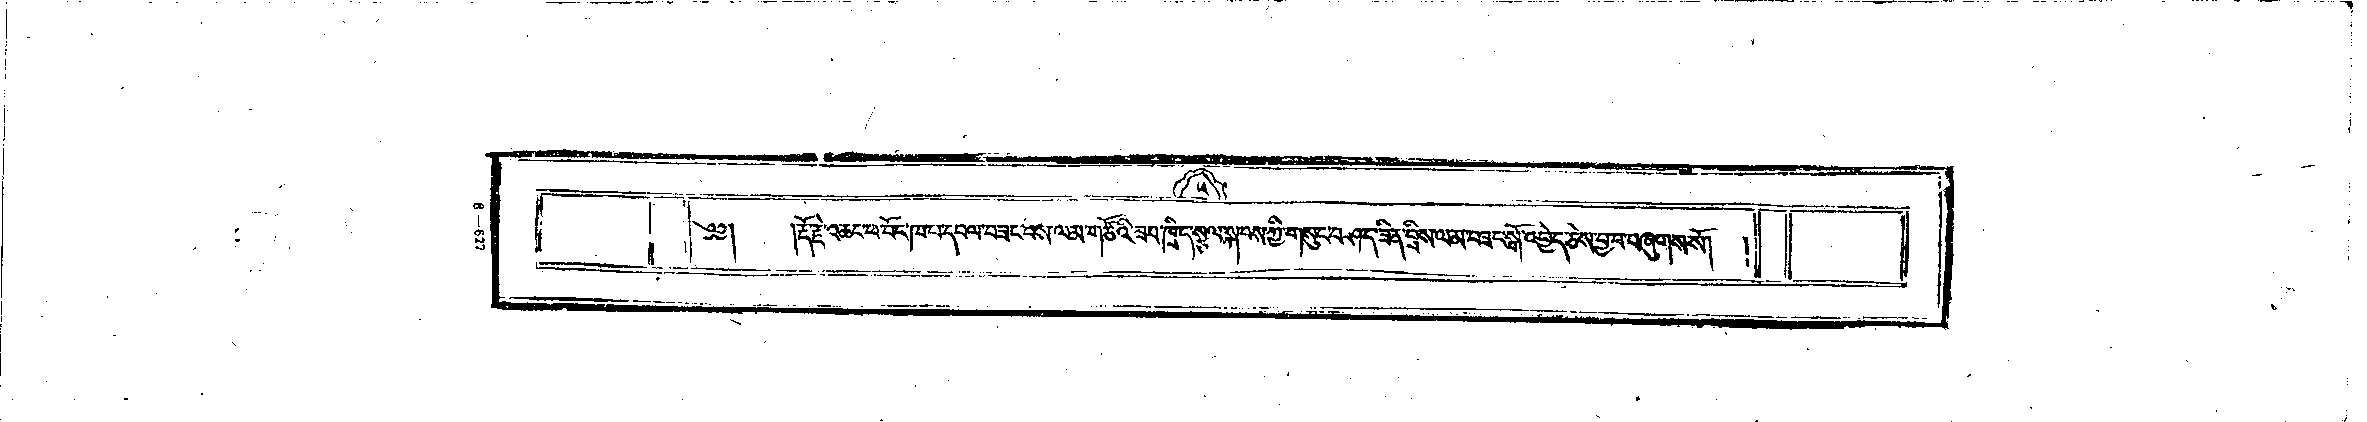༄༅། །རྡོ་རྗེ་འཆང་ཕ་བོང་ཁ་པ་དཔལ་བཟང་པོས་ལམ་གཙོའི་ཟབ་ཁྲིད་སྩལ་སྐབས་ཀྱི་གསུང་བཤད་ཟིན་བྲིས་ལམ་བཟང་སྒོ་འབྱེད་ཅེས་བྱ་བ་བཞུགས་སོ། །